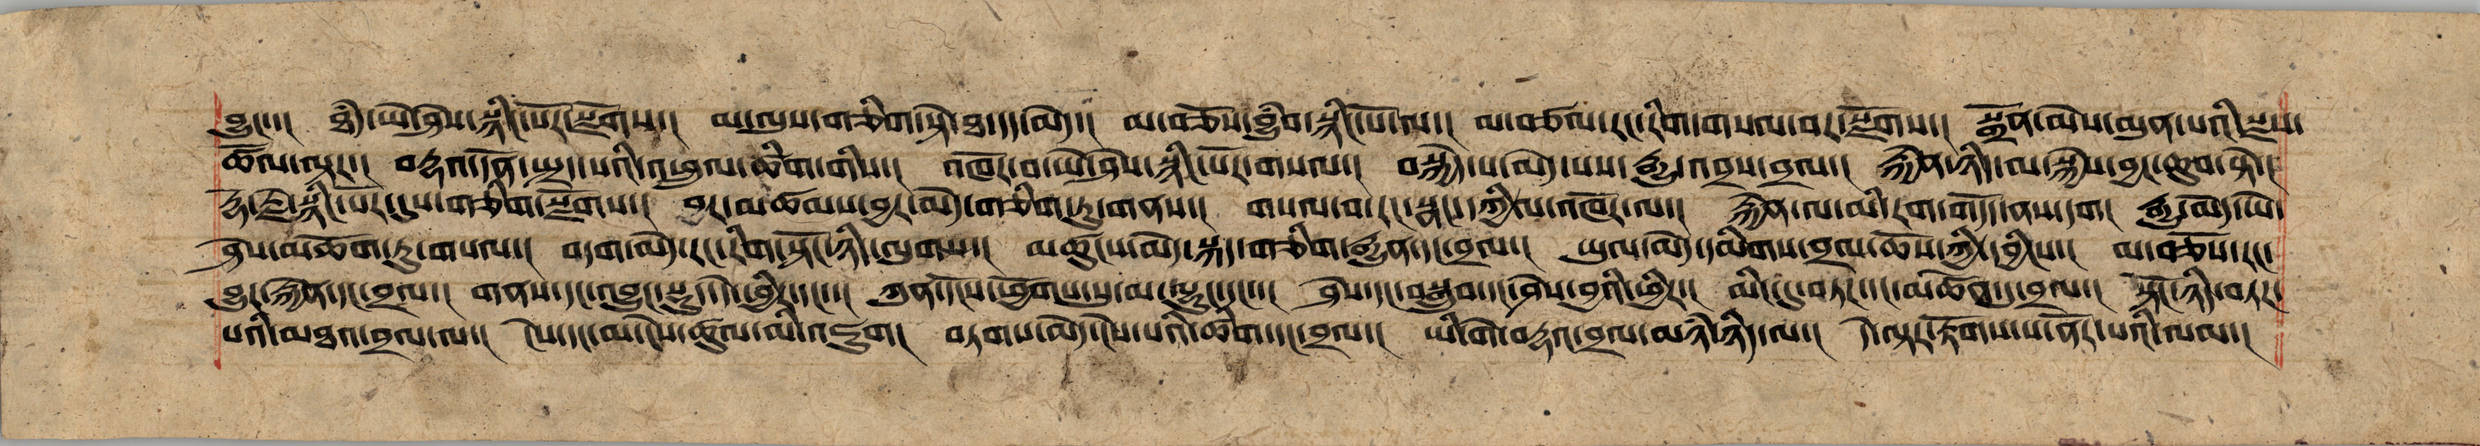བྱུང་་། ཐཾད་ཡེ་ཤེས་སྙིང་པོར་སྫོགས་། མ་ལུས་གཅིག་སྟེ་ཐ་དད་མེད་། མ་བཅོས་བྱུཾབ་སྙིང་པོ་ལ་། མ་བཙལ་རང་རིག་གསལ་བར་སྫོགས་། སྒྲོན་མེས་མུན་པའི་སྫས་
ཚོལ་ལྟར་། བརྡའ་དོན་སྤྲད་པའི་འཕྲུལ་ཚིག་གིས་། འཁོར་བ་ཡེ་ཤེས་སྙིང་པོར་གསལ་། བསྐྱེད་པ་མེད་པས་རྒྱུ་འབྲས་བྲལ་། རྐྱེན་ཉིད་མ་སྐྱེས་བྱང་ཆུབ་སྟེ་།
རྡོ་རྗེ་སྙིང་པོར་དུས་གཅིག་སྫོགས་། བྱར་མཚམས་བྱར་མེད་གཅིག་ཏུ་གནས་། གསལ་བ་རང་སྣང་དཀྱིལ་འཁོར་ལ་། རྐྱེན་ལ་མི་རག་གདོད་ནས་དག། རྒྱུ་མེད་ཡེ་
ཤེས་མཆོག་ཏུ་གསལ་། བདག་མེད་རང་རིག་སྟོང་ཉིད་ལུགས་། མཚུངས་མེད་སྐད་གཅིག་རྒྱུན་དང་བྲལ་། ཡུལ་མེད་དམིགས་བྲལ་ཆོས་ཀྱི་དབྱིངས་། མ་བཅོས་རང་
བྱུར་རྐྱེན་དང་བྲལ་། གནས་དང་འབྱུང་སྡུད་དེ་ཕྱིར་དང་་། ཀུན་དངོས་ཕྱོགས་སུ་མར་ལྷུང་དང་་། ཤེས་དང་བསྒྲུབ་དང་ཤེས་བྱའི་ཕྱིར་། མིང་དུ་བཏཌ་དང་མཚོན་དུ་བྲལ་། སྟོང་ཉིད་བཏཌ་
པའི་མཐར་བྲལ་ལ་། ངེས་དང་མ་ངེས་ཚུལ་མི་འཇུག། བཏགས་མེད་ངེས་པའི་ཚིག་དང་བྲལ་། ཡི་གེ་བརྡའ་བྲལ་མཉཾ་ཉིད་ལ་། དེ་ལྟར་རྟོགས་པ་ནོར་པའི་ལམ་།